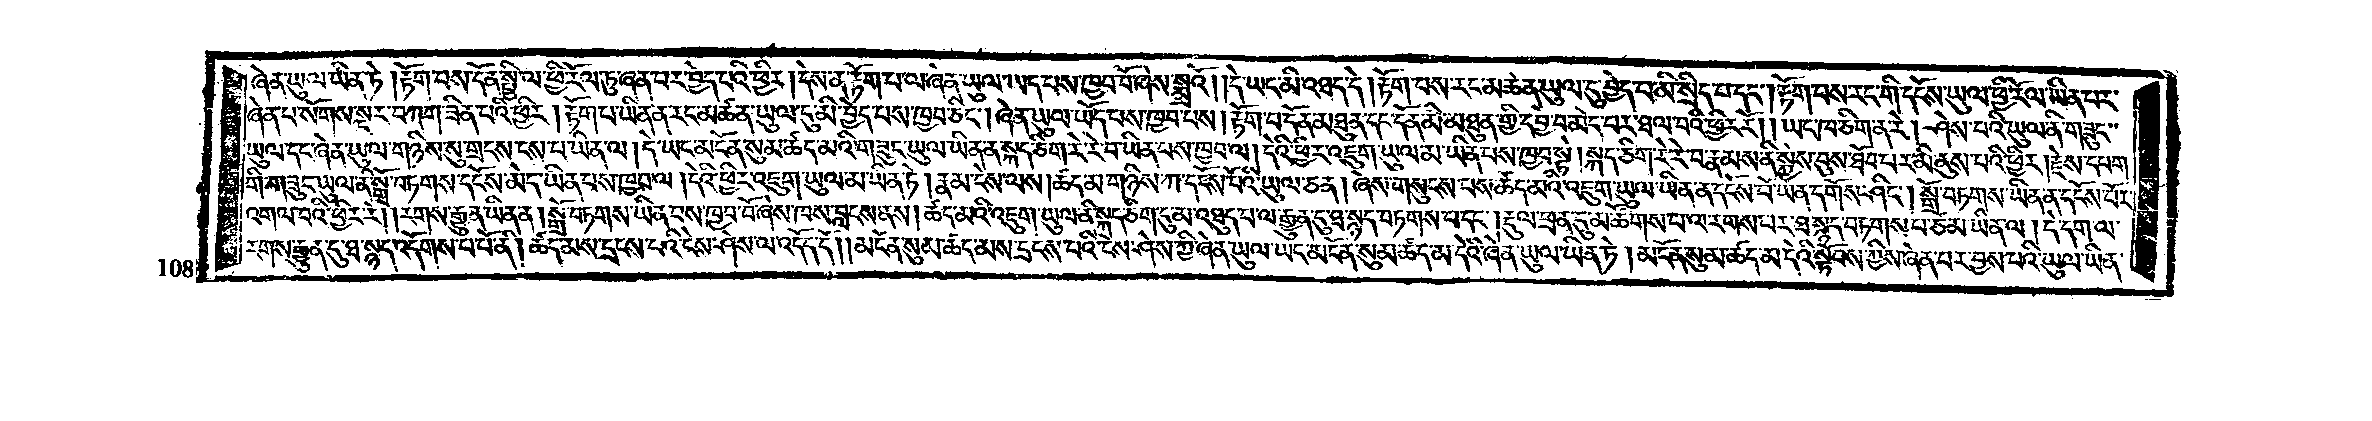ཞེན་ཡུལ་ཡིན་ཏེ། རྟོག་པས་དོན་སྤྱི་ལ་ཕྱི་རོལ་ཏུ་ཞེན་པར་བྱེད་པའི་ཕྱིར། དེས་ན་རྟོག་པ་ལ་ཞེན་ཡུལ་ཡོད་པས་ཁྱབ་བོ་ཞེས་སྨྲའོ། །དེ་ཡང་མི་འཐད་དེ། རྟོག་པས་རང་མཚན་ཡུལ་དུ་བྱེད་པ་མི་སྲིད་པ་དང་། རྟོག་པས་རང་གི་དངོས་ཡུལ་ཕྱི་རོལ་ཡིན་པར་
ཞེན་པ་སོགས་སྔར་བཀག་ཟིན་པའི་ཕྱིར། རྟོག་པ་ཡིན་ན་རང་མཚན་ཡུལ་དུ་མི་བྱེད་པས་ཁྱབ་ཅིང་། ཞེན་ཡུལ་ཡོད་པས་ཁྱབ་པས། རྟོག་པ་དོན་མཐུན་དང་དོན་མི་མཐུན་གྱི་དབྱེ་བ་མེད་པར་ཐལ་བའི་ཕྱིར་རོ། །ཡང་ཁ་ཅིག་ན་རེ། ཤེས་པའི་ཡུལ་ནི་གཟུང་
ཡུལ་དང་ཞེན་ཡུལ་གཉིས་སུ་གྲངས་ངེས་པ་ཡིན་ལ། དེ་ཡང་མངོན་སུམ་ཚད་མའི་གཟུང་ཡུལ་ཡིན་ན་སྐད་ཅིག་རེ་རེ་བ་ཡིན་པས་ཁྱབ་ལ། དེའི་ཕྱིར་འཇུག་ཡུལ་མ་ཡིན་པས་ཁྱབ་སྟེ། སྐད་ཅིག་རེ་རེ་བ་རྣམས་ནི་སྐྱེས་བུས་ཐོབ་པར་མི་ནུས་པའི་ཕྱིར། རྗེས་དཔག་
གི་གཟུང་ཡུལ་ནི་སྒྲོ་བཏགས་དངོས་མེད་ཡིན་པས་ཁྱབ་ལ། དེའི་ཕྱིར་འཇུག་ཡུལ་མ་ཡིན་ཏེ། རྣམ་ངེས་ལས། ཚད་མ་གཉིས་ཀ་དངོས་པོའི་ཡུལ་ཅན། ཞེས་གསུངས་པས་ཚད་མའི་འཇུག་ཡུལ་ཡིན་ན་དངོས་པོ་ཡིན་དགོས་ཤིང་། སྒྲོ་བཏགས་ཡིན་ན་དངོས་པོར་
འགལ་བའི་ཕྱིར་རོ། །རིགས་རྒྱུན་ཡིན་ན། སྒྲོ་བཏགས་ཡིན་པས་ཁྱབ་བོ་ཞེས་ཁས་བླངས་ནས། ཚད་མའི་འཇུག་ཡུལ་ནི་སྐད་ཅིག་དུ་མ་འཐུད་པ་ལ་རྒྱུན་དུ་ཐ་སྙད་བཏགས་པ་དང་། རྡུལ་ཕྲན་དུ་མ་ཚོགས་པ་ལ་རགས་པར་ཐ་སྙད་བཏགས་པ་ཙམ་ཡིན་ལ། དེ་དག་ལ་
རགས་རྒྱུན་དུ་ཐ་སྙད་འདོགས་པ་པོ་ནི། ཚད་མས་དྲངས་པའི་ངེས་ཤེས་ལ་འདོད་དོ། །མངོན་སུམ་ཚད་མས་དྲངས་པའི་ངེས་ཤེས་ཀྱི་ཞེན་ཡུལ་ཡང་མངོན་སུམ་ཚད་མ་དེའི་ཞེན་ཡུལ་ཡིན་ཏེ། མངོན་སུམ་ཚད་མ་དེའི་སྟོབས་ཀྱིས་ཞེན་པར་བྱས་པའི་ཡུལ་ཡིན་